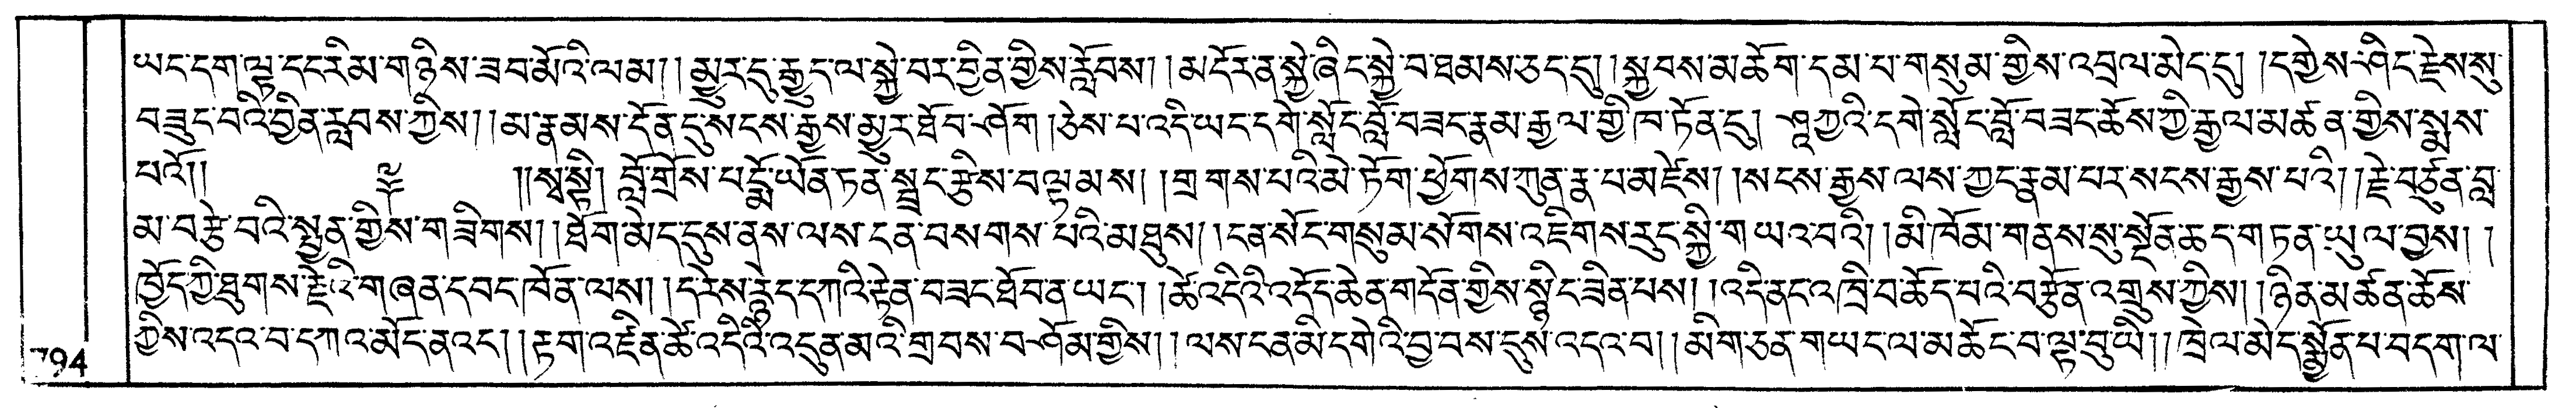ཡང་དག་ལྟ་དང་རིམ་གཉིས་ཟབ་མོའི་ལམ། །མྱུར་དུ་རྒྱུད་ལ་སྐྱེ་བར་བྱིན་གྱིས་རློབས། །མདོར་ན་སྐྱེ་ཞིང་སྐྱེ་བ་ཐམས་ཅད་དུ། །སྐྱབས་མཆོག་དམ་པ་གསུམ་གྱིས་འབྲལ་མེད་དུ། །དགྱེས་ཤིང་རྗེས་སུ་
བཟུང་བའི་བྱིན་རླབས་ཀྱིས། །མ་རྣམས་དོན་དུ་སངས་རྒྱས་མྱུར་ཐོབ་ཤོག །ཅེས་པ་འདི་ཡང་དགེ་སློང་བློ་བཟང་རྣམ་རྒྱལ་གྱི་ཁ་ཏོན་དུ། ཤཱཀྱའི་དགེ་སློང་བློ་བཟང་ཆོས་ཀྱི་རྒྱལ་མཚན་གྱིས་སྨས་
པའོ།། ༈ །།སྭ་སྟི། བློ་གྲོས་པདམོ་ཡོན་ཏན་སྦྲང་རྩིས་བལྟམས། །གྲགས་པའི་མེ་ཏོག་ཕྱོགས་ཀུན་རྣ་པ་མཛེས། །སངས་རྒྱས་ལས་ཀྱང་རྣམ་པར་སངས་རྒྱས་པའི། །རྗེ་བཙུན་བླ་
མ་བརྩེ་བའི་སྤྱན་གྱིས་གཟིགས། །ཐོག་མེད་དུས་ནས་ལས་ངན་བསགས་པའི་མཐུས། །ངན་སོང་གསུམ་སོགས་འཇིགས་རུང་སྐྱི་གཡའ་བའི། །མི་ཁོམ་གནས་སུ་སྔོན་ཆད་གཏན་ཡུལ་བྱས། །
ཁྱོད་ཀྱི་ཐུགས་རྗེའི་གཞན་དབང་ཁོ་ན་ལས། །ད་རེས་རྙེད་དཀའི་རྟེན་བཟང་ཐོབ་ན་ཡང་། །ཚེ་འདིའི་འདོད་ཆེན་གདོན་གྱིས་སྙིང་ཟིན་པས། །འདི་ནང་འཁྲི་བ་ཆོད་པའི་བརྩོན་འགྲུས་ཀྱིས། །ཉིན་མཚན་ཆོས་
ཀྱིས་འདའ་བ་དཀའ་མོད་ནའང་། །རྟག་འཛིན་ཚེ་འདིའི་འདུན་མའི་གྲབས་བཤོམ་གྱིས། །ལས་ངན་མི་དགེའི་བྱ་བས་དུས་འདའ་བ། །མིག་ཅན་གཡང་ལ་མཆོང་བ་ལྟ་བུ་ཡི། །ཁྲེལ་མེད་སྨྱོན་པ་བདག་ལ་